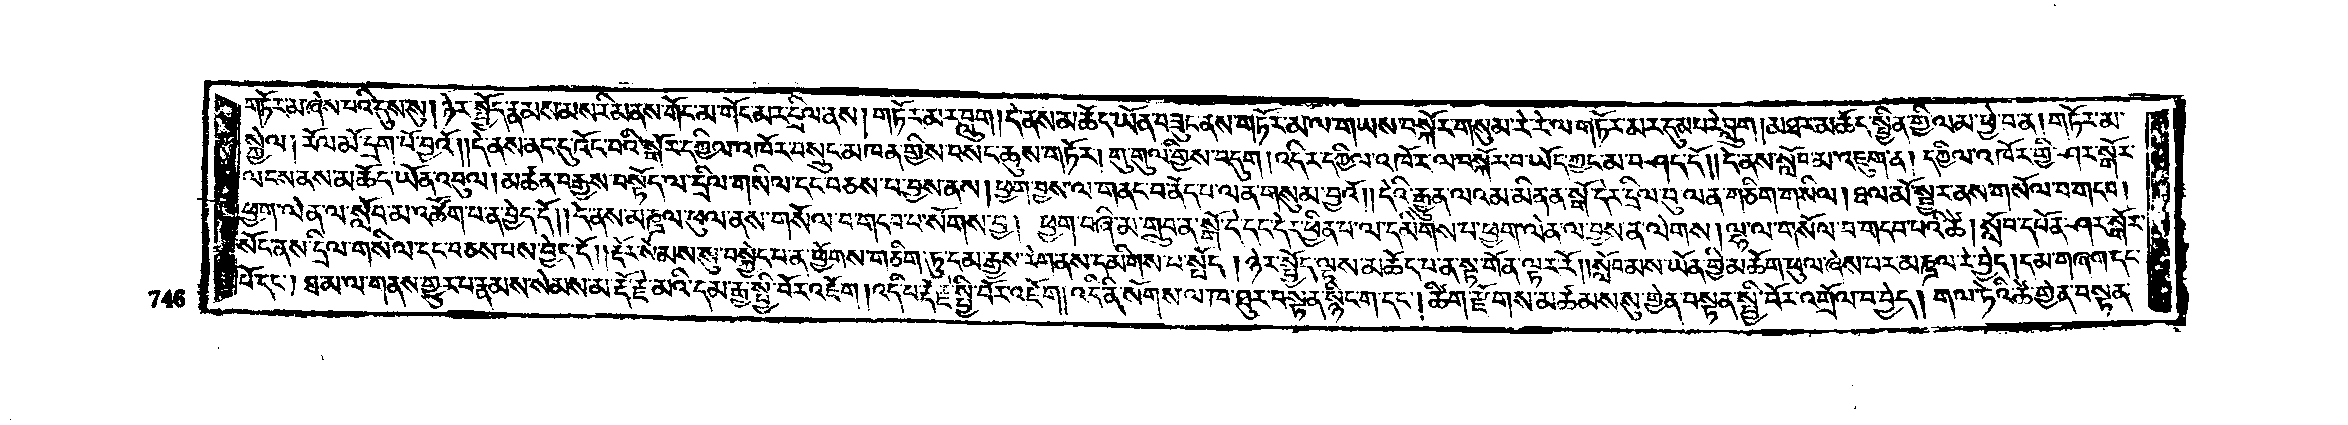གཏོར་མ་ཞེས་པའི་དུས་སུ། ཉེར་སྤྱོད་རྣམས་མས་རིམ་ནས་གོང་མ་གོང་མར་དྲིལ་ནས། གཏོར་མར་བླུག །དེ་ནས་མཆོད་ཡོན་བཟུང་ནས་གཏོར་མ་ལ་གཡས་བསྐོར་གསུམ་རེ་རེ་ལ་གཏོར་མར་དུམ་པ་རེ་བླུག །མཐར་མཆོད་སྦྱིན་གྱི་ལམ་ཕྱེ་བ་ན། གཏོར་མ་
སྐྱེལ། རོལ་མོ་དྲག་པོ་བྱའོ། །དེ་ནས་ནང་དུ་འོང་བའི་སྒོར་དཀྱིལ་འཁོར་བསྲུང་མཁན་གྱིས་བསང་ཆུས་གཏོར། གུ་གུལ་གྱིས་བདུག །འདིར་དཀྱིལ་འཁོར་ལ་བསྐོར་བ་ཡོད་ཀྱང་མ་བཤད་དོ། །དེ་ནས་སློབ་མ་འཇུག་ན། དཀྱིལ་འཁོར་གྱི་ཤར་སྒོར་
ལངས་ནས་མཆོད་ཡོན་འབུལ། མཚན་བརྒྱས་བསྟོད་ལ་དྲིལ་གསིལ་དང་བཅས་པ་བྱས་ནས། ཕྱག་བྱས་ལ་གནང་བ་ནོད་པ་ལན་གསུམ་བྱའོ། །དེའི་རྒྱུན་ལའམ་མིན་ན་སྒོ་དེར་དྲིལ་བུ་ལན་གཅིག་གསིལ། ཐལ་མོ་སྦྱར་ནས་གསོལ་བ་གདབ།
ཕྱག་ལེན་ལ་སློབ་མ་འཚོག་པ་ན་བྱེད་དོ། །དེ་ནས་མཎྜལ་ཕུལ་ནས་གསོལ་བ་གདབ་པ་སོགས་བྱ། ཕྱག་བཞི་མ་གྲུབ་ན་སྒོ་དེ་དང་དེར་ཕྱིན་པ་ལ་དམིགས་པ་ཕྱག་ལེན་ལ་བྱས་ན་ལེགས། ལྷ་ལ་གསོལ་བ་གདབ་པའི་ཚེ། སློབ་དཔོན་ཤར་སྒོར་
སོང་ནས་དྲིལ་གསིལ་དང་བཅས་པས་བྱེད་དོ། །རྡོར་སེམས་སུ་བསྐྱེད་པ་ན་ཕྱོགས་གཅིག་ཏུ་དམ་རྒྱས་རེག་ནས་དམིགས་པ་སྤོད། ཉེར་སྤྱོད་ལྷས་མཆོད་པ་ན་སྟ་གོན་ལྟར་རོ། །སློབ་མས་ཡོན་གྱི་མཆོག་ཕུལ་ཞེས་པར་མཎྜལ་རེ་བྱེད། དམ་གཞག་དང་
པོ་དང་། ཐ་མ་ལ་གནས་གྱུར་པ་རྣམས་སེམས་མ་རྡོ་རྗེ་མའི་དམ་རྒྱ་སྤྱི་བོར་འཇོག །འདི་པ་རྡོ་རྗེ་སྤྱི་བོར་འཇོག །འདི་ནི་སོགས་ལ་ཁ་ཐུར་བསྟན་སྙིང་ག་དང་། ཚིག་རྫོགས་མཚམས་སུ་གྱེན་བསྟན་སྤྱི་བོར་འགྲོལ་བ་བྱེད། གལ་ཏེའི་ཚེ་གྱེན་བསྟན་